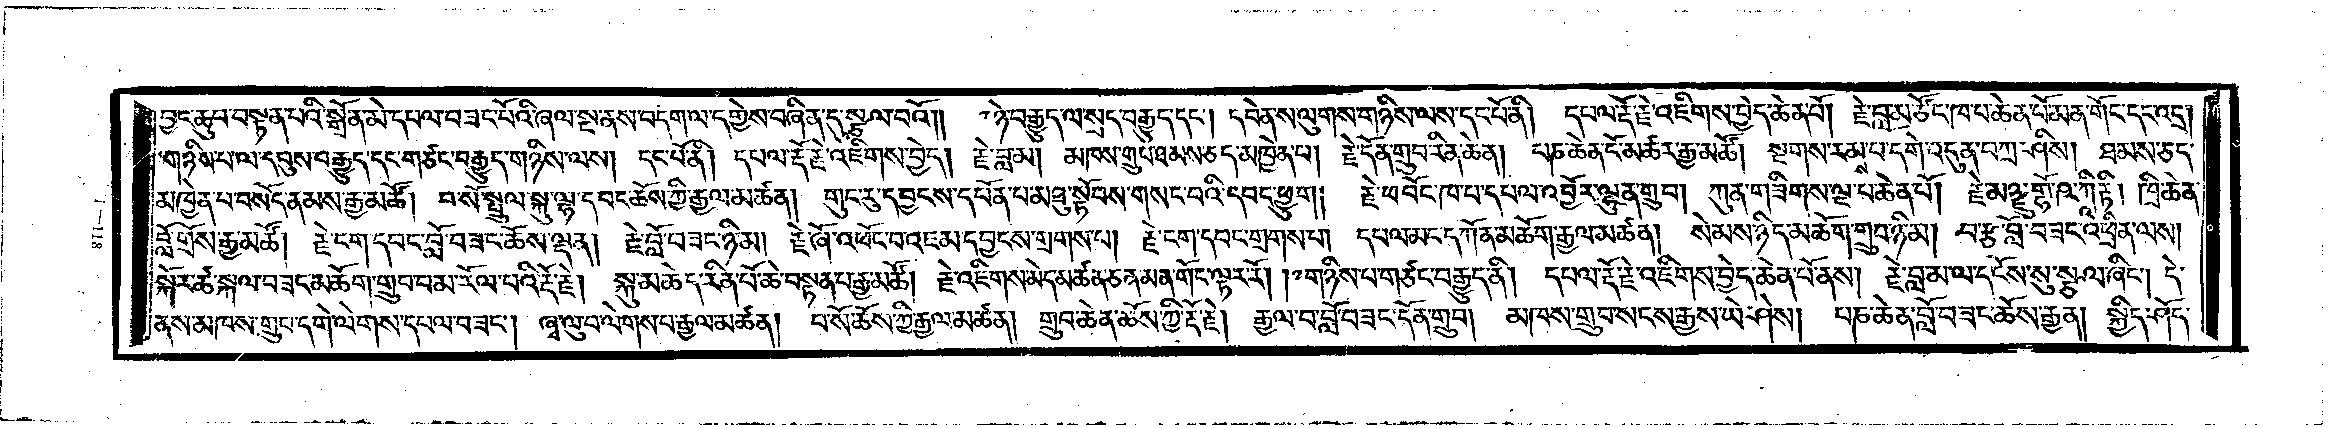བྱང་ཆུབ་བསྟན་པའི་སྒྲོན་མེ་དཔལ་བཟང་པོའི་ཞལ་སྔ་ནས་བདག་ལ་དགྱེས་བཞིན་དུ་སྩལ་བའོ།། ཉེ་བརྒྱུད་ལ་སྲད་བརྒྱུད་དང་། དབེན་ས་ལུགས་གཉིས་ལས་དང་པོ་ནི། དཔལ་རྡོ་རྗེ་འཇིགས་བྱེད་ཆེན་པོ། རྗེ་བླ་མ་ཙོང་ཁ་པ་ཆེན་པོ་མན་གོང་དང་འདྲ།
གཉིས་པ་ལ་དབུས་བརྒྱུད་དང་གཙང་བརྒྱུད་གཉིས་ལས། དང་པོ་ནི། དཔལ་རྡོ་རྗེ་འཇིགས་བྱེད། རྗེ་བླ་མ། མཁས་གྲུབ་ཐམས་ཅད་མཁྱེན་པ། རྗེ་དོན་གྲུབ་རིན་ཆེན། པཎ་ཆེན་ངོ་མཚར་རྒྱ་མཚོ། སྔགས་རམས་པ་དགེ་འདུན་བཀྲ་ཤིས། ཐམས་ཅད་
མཁྱེན་པ་བསོད་ནམས་རྒྱ་མཚོ། བ་སོ་སྤྲུལ་སྐུ་ལྷ་དབང་ཆོས་ཀྱི་རྒྱལ་མཚན། གུང་རུ་དབྱངས་དཔོན་པ་མཐུ་སྟོབས་གསང་བའི་དབང་ཕྱུག༑ རྗེ་ཕ་བོང་ཁ་པ་དཔལ་འབྱོར་ལྷུན་གྲུབ། ཀུན་གཟིགས་ལྔ་པ་ཆེན་པོ། རྗེ་མཉྫུ་གྷོ་ཥ་ཀཱི་རྟི། ཁྲི་ཆེན་
བློ་གྲོས་རྒྱ་མཚོ། རྗེ་ངག་དབང་བློ་བཟང་ཆོས་ལྡན། རྗེ་བློ་བཟང་ཉི་མ། རྗེ་ཞོ་འཕོང་བ་འཇམ་དབྱངས་གྲགས་པ། རྗེ་ངག་དབང་གྲགས་པ། དཔལ་མང་དཀོན་མཆོག་རྒྱལ་མཚན། སེམས་ཉིད་མཆོག་གྲུབ་ཉི་མ། བ་རྩ་བློ་བཟང་འཕྲིན་ལས།
སྐོར་ཚ་སྐལ་བཟང་མཆོག་གྲུབ་བམ་རོལ་པའི་རྡོ་རྗེ། སྐུ་མཆེད་རིན་པོ་ཆེ་བསྟན་པ་རྒྱ་མཚོ། རྗེ་འཇིགས་མེད་མཚན་ཅན་མན་གོང་ལྟར་རོ། །༧གཉིས་པ་གཙང་བརྒྱུད་ནི། དཔལ་རྡོ་རྗེ་འཇིགས་བྱེད་ཆེན་པོ་ནས། རྗེ་བླ་མ་ལ་དངོས་སུ་སྩལ་ཞིང་། དེ་
ནས་མཁས་གྲུབ་དགེ་ལེགས་དཔལ་བ་ཟང་། ཞྭ་ལུ་བ་ལེགས་པ་རྒྱལ་མཚན། བ་སོ་ཆོས་ཀྱི་རྒྱལ་མཚན། གྲུབ་ཆེན་ཆོས་ཀྱི་རྡོ་རྗེ། རྒྱལ་བ་བློ་བཟང་དོན་གྲུབ། མཁས་གྲུབ་སངས་རྒྱས་ཡེ་ཤེས། པཎ་ཆེན་བློ་བཟང་ཆོས་རྒྱན། སྐྱིད་ཤོད་